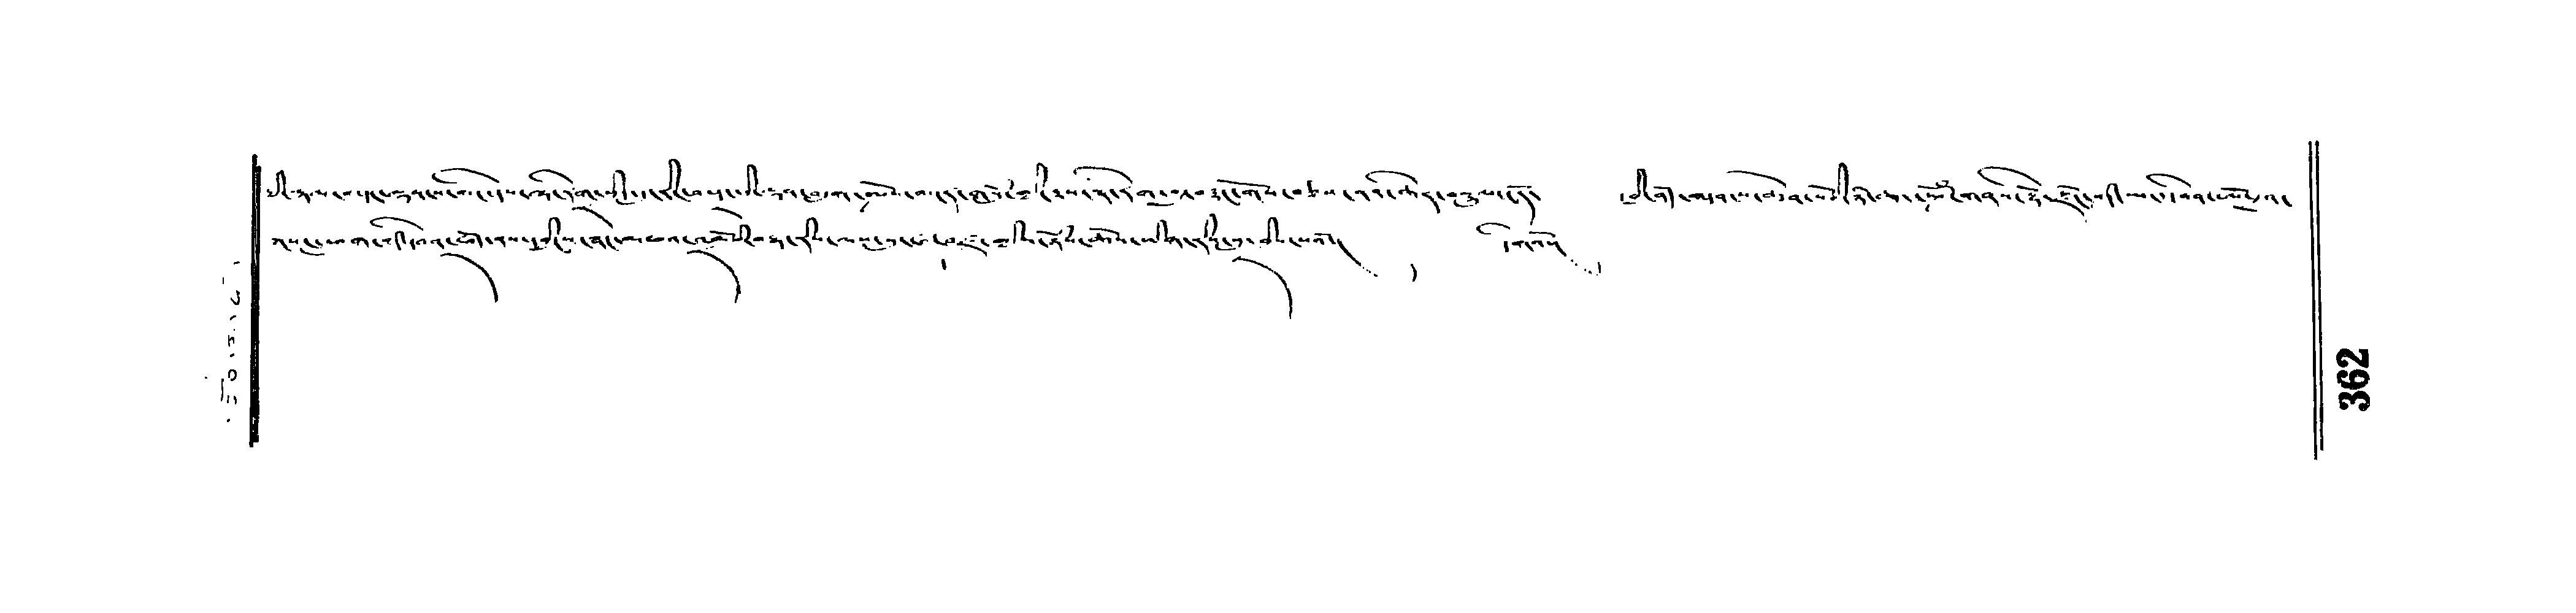ཀྱི་སྐལ་བ་དང་ལྡན་པ་གང་དེས་ལྷ་རེག་སྲིད་དུ་རིང་བ་དང་དྲི་ལྡན་བདུག་སྤོས་མངར་གསུམ་གྱི་ཟས་སྣ་རེག་བྱ་བཟང་གོས་བཅས་ནན་ཆེར་བསྐུལ་ངོར། དབྱི་ཤོད་གདན་པ་ཆེན་པོའི་ཉེ་ཆར་སྤོམ་གནས་རྡོ་རྗེ་རྫོང་གི་ཡང་དབེན་ཨོ་རྒྱན་
གསང་ཕུག་གི་དབེན་ཕྲོད་ནས་དབྱིངས་སྣང་མཁའ་འགྲོའི་བརྡ་རིས་ལས་སུ་ཁ་བཛྲ་གྱིས་ཉམས་ཆོས་ཡིག་རིས་སུ་བྲིས་པའོ།། བཀྲ་ཤིས།།